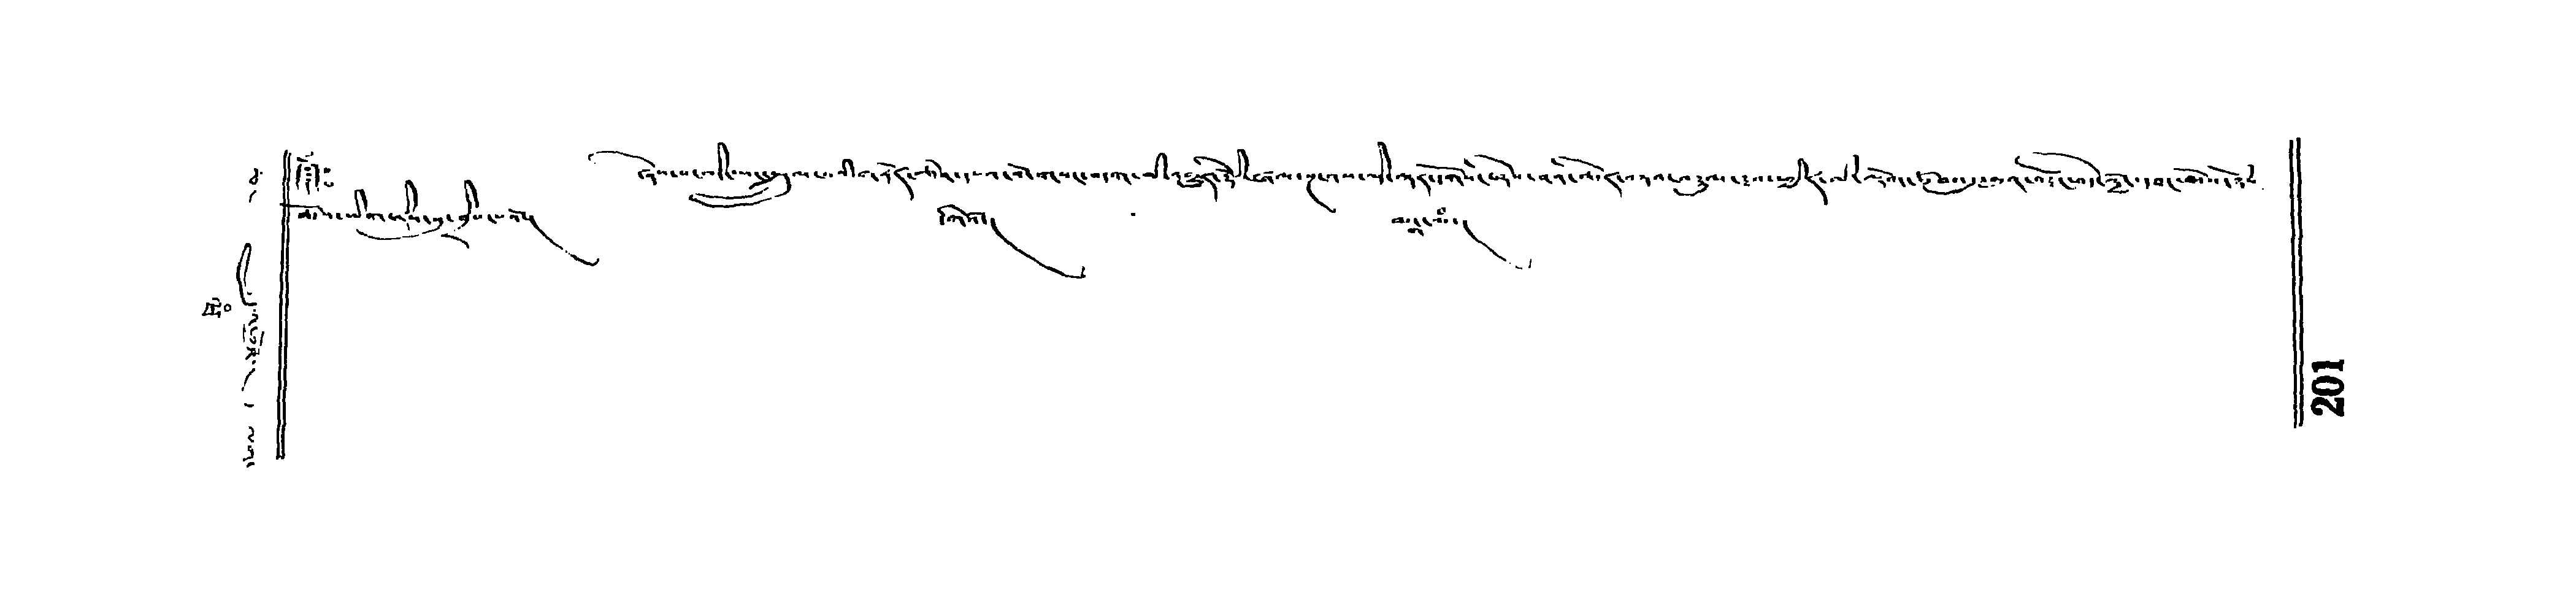༄༅་། ཞེས་པ་འདི་ཡང་སྤྲུལ་པའི་གཏེར་ཆེན་དཔའ་བོ་གསང་བདག་མི་འགྱུར་རྡོ་རྗེའི་ཞལ་སྔ་ནས་འདི་ལྟར་དགོས་ཞེས་ནན་ཆེར་བཀའ་བསྐུལ་ཟབ་ཕྱིར་མི་ལྡོག་ཙམ་དུ་ཀུན་བཟང་བདེ་སྐྱོང་དབང་མོས་ཉམས་
ཆོས་ཡིག་རིས་སུ་བྲིས་པའོ།། དགེའོ།། མངྒ་ལཾ།།